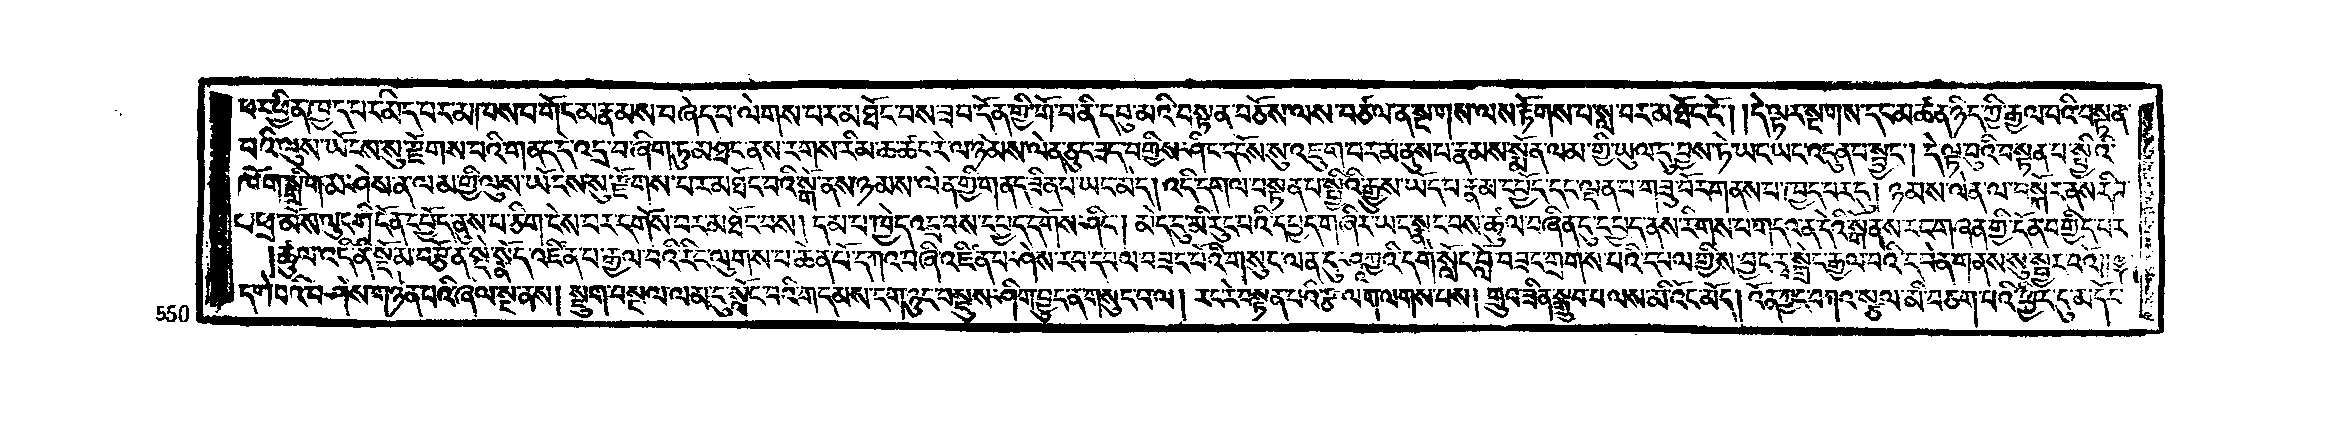ཕར་ཕྱིན་ཁྱད་པར་མེད་པར་མཁས་པ་གོང་མ་རྣམས་བཞེད་པ་ལེགས་པར་མཐོང་བས་ཟབ་དོན་གྱི་གོ་བ་ནི་དབུ་མའི་བསྟན་བཅོས་ལས་བཙལ་ན་སྔགས་ལས་རྟོགས་པ་སླ་བར་མཐོང་ངོ། །དེ་ལྟར་སྔགས་དང་མཚན་ཉིད་ཀྱི་རྒྱལ་བའི་བསྟན་
པའི་ལུས་ཡོངས་སུ་རྫོགས་།ས་པའི་གནད་དེ་འདྲ་བ་ཞིག་ཏུ་མཐོང་ནས་རགས་རིམ་ཆ་ཚང་རེ་ལ་ཉམས་ལེན་ཆུང་ཟད་བགྱིས་ཤིང་དངོས་སུ་འཇུག་པར་མ་ནུས་པ་རྣམས་སྨོན་ལམ་གྱི་ཡུལ་དུ་བྱས་ཏེ་ཡང་ཡང་འདུན་པ་སྤྱད། དེ་ལྟ་བུའི་བསྟན་པ་སྤྱིའི་
ཁོག་སྒྲིག་མ་ཤེས་ན་ལམ་གྱི་ལུས་ཡོངས་སུ་རྫོགས་པར་མཐོང་བའི་སྒོ་ནས་ཉམས་ལེན་གྱི་གནད་ཟིན་པ་ཡང་མེད། འདི་དག་ལ་བསྟན་པ་སྤྱིའི་རྒྱུས་ཡོད་པ་རྣམ་དཔྱོད་དང་ལྡན་པ་གཟུ་བོར་གནས་པ་ཁྱད་པར་དུ། ཉམས་ལེན་ལ་བསྐོར་ནས་རིགས་
པ་ཕྲ་མོས་ཆུང་གི་དོན་དཔྱོད་ནུས་པ་ཅིག་ངེས་པར་དགོས་པར་མཐོང་བས། དམ་པ་ཁྱེད་འདྲ་བས་དཔྱད་དགོས་ཤིང་། མེད་དུ་མི་རུང་བའི་དཔྱད་གཞིར་ཡང་སྣང་བས་ཚུལ་བཞིན་དུ་དཔྱད་ནས་རིགས་པ་གདའ་ན་དེའི་སྒོ་ནས་རང་གཞན་གྱི་དོན་བགྱིད་པར་
ཞུ། ཚུལ་འདི་ནི་སྡོམ་པ་རྩོན་སྡེ་སྣོད་འཛིན་པ་རྒྱལ་བའི་རིང་ལུགས་པ་ཆེན་པོ་དཀའ་བཞི་འཛིན་པ་ཤེས་རབ་དཔལ་བཟང་པོའི་གསུང་ལན་དུ་ཤཱཀྱའི་དགེ་སློང་བློ་བཟང་གྲགས་པའི་དཔལ་གྱིས་བྱང་རྭ་སྒྲེང་རྒྱལ་བའི་དབེན་གནས་སུ་སྦྱར་བའོ།།